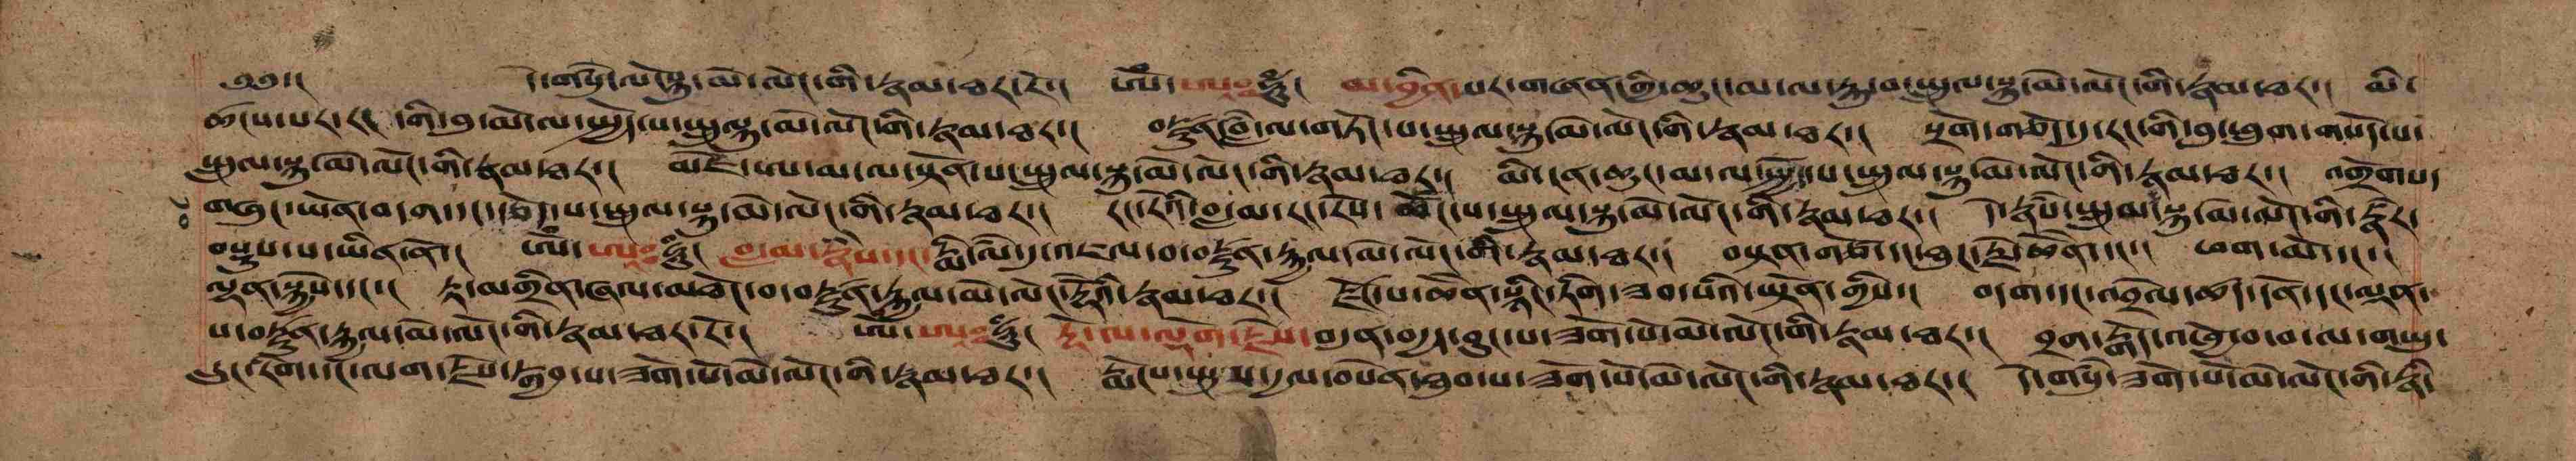༄༅་། དེ་གསུམ་ལོངས་སྐུ་མེ་ལོང་གི་རྣམ་ཐར་རོ། ཨོཾ་ཨཿཧཱུཾ། མ་བྱིན་པར་གཞན་གྱི་ཆུང་མ་ལ་རྐུ་བ་སྤྲུལ་སྐུ་མེ་ལོང་གི་རྣམ་ཐར། མི་
ཚངས་པར་རང་གི་བུ་མོ་ལ་སྤྱོད་པ་སྤྲུལ་སྐུ་མེ་ལོང་གི་རྣམ་ཐར། བརྫུན་བླ་མ་གཏོང་བ་སྤྲུལ་སྐུ་མེ་ལོང་གི་རྣམ་ཐར། སྲོག་གཅོད་དུ་རང་གི་བུ་ཕྲུག་གསོད་པ་
སྤྲུལ་སྐུ་མེ་ལོང་གི་རྣམ་ཐར། འཇེ་ཨ་མ་ལ་སྟོན་པ་སྤྲུལ་སྐུ་མེ་ལོང་གི་རྣམ་ཐར། མི་ངན་ཆུང་མ་ལ་སྤྱོད་པ་སྤྲུལ་སྐུ་མེ་ལོང་གི་རྣམ་ཐར། འགྲོགས་
གཞུང་ཡོན་བདག་དང་རྩོད་པ་སྤྲལ་སྐུ་མེ་ལོང་གི་རྣམ་ཐར། རང་རེའི་བླ་མ་རང་རེས་ཚོང་པ་སྤྲུལ་སྐུ་མེ་ལོང་གི་རྣམ་ཐར། དེ་རྣམས་སྤྲུལ་སྐུ་མེ་ལོང་གི་རྣམ་པར་
བསྡུས་པ་ཡིན་ནོ། ཨོཾ་ཨཿཧཱུཾ། བླ་མ་རྣམ་ཤེས་དང་རྨི་ལམ་དུ་འཇལ་བ་རྫུན་རྐྱལ་མེ་ལོང་གི་རྣམ་ཐར། བསྟན་གཙོ་དང་ཐུགས་རྗེ་ཆེན་པོ་དང་། ཕག་མོ་དང་
ལྷན་སྐྱེས་དང་། རྟ་མགྲིན་ཞལ་མཐོང་བ་བརྫུན་རྐྱལ་མེ་ལོང་རྡོ་རྗེའི་རྣམ་ཐར། རྫོགས་པ་ཆེན་པོ་སྙིང་ཏིག་ཟབ་པའི་ཡོན་ཏན་གྱིས། བདག་དང་འབྲེལ་ཚད་དོན་དང་ལྡན་
པ་བརྫུན་རྐྱལ་མེ་ལོང་གི་རྣམ་ཐར་རོ། ཨོཾ་ཨཿཧཱུཾ། རྡོ་ལ་ལྡོག་རྗེས་བདུན་བརྒྱད་བུང་པ་ཟོག་པོ་མེ་ལོང་གི་རྣམ་ཐར། བྲག་རྒོད་འཕྱོ་བ་བ་ལ་གཡུ་
དྲུང་རིག་དང་ལག་རྗེས་རྒྱབ་པ་ཟོག་པོ་མེ་ལོང་གི་རྣམ་ཐར། རྨོངས་སྤྲལ་རྒྱལ་བསེན་ཐུབ་པ་ཟོག་པོ་མེ་ལོང་གི་རྣམ་ཐར། དེ་གསུམ་ཟོག་པོ་མེ་ལོང་གི་རྣམ་